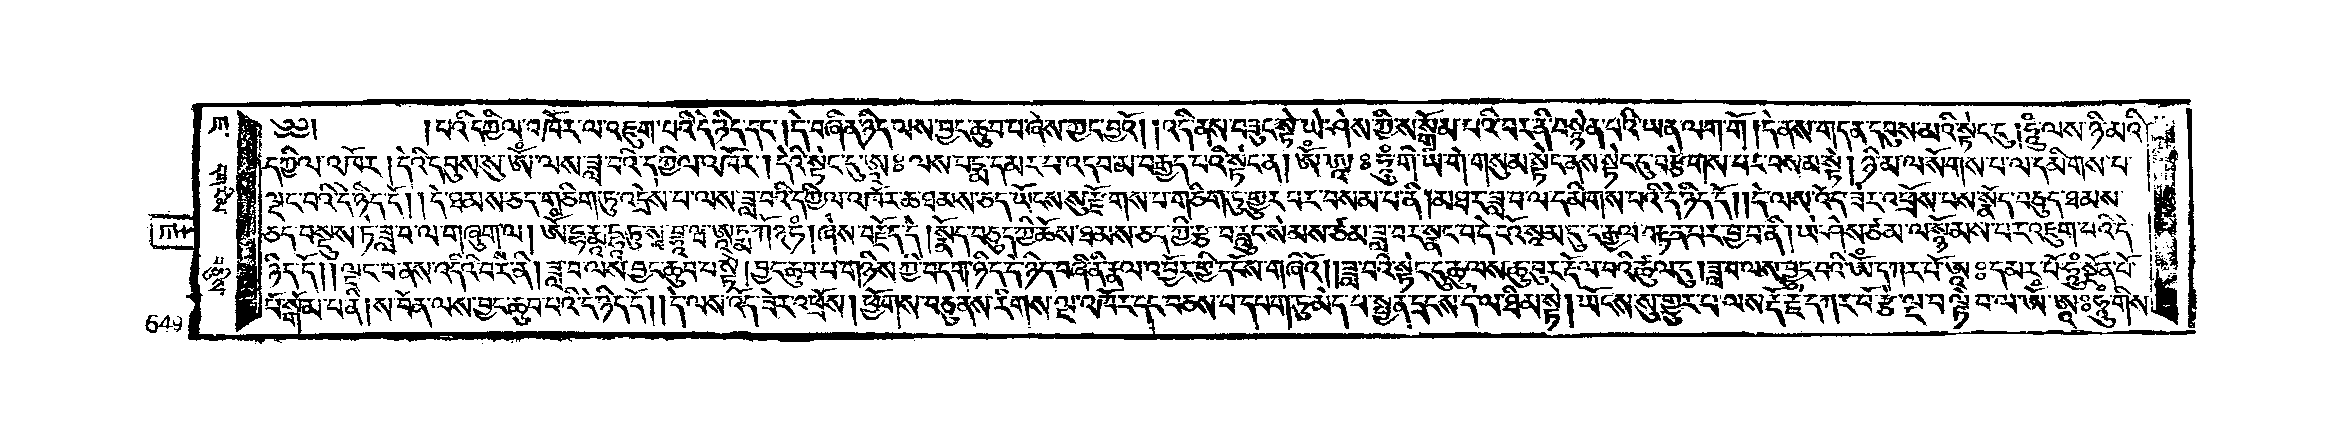༄༅། །པའི་དཀྱིལ་འཁོར་ལ་འཇུག་པའི་དེ་ཉིད་དང་། དེ་བཞིན་ཉིད་ལས་བྱང་ཆུབ་པ་ཞེས་ཀྱང་བྱའོ། །འདི་ནས་བཟུང་སྟེ་ཡེ་ཤེས་ཀྱི་ས་སྒོམ་པའི་བར་ནི་བསྟེན་པའི་ཡན་ལག་གོ །དེ་ནས་གདན་དབུས་མའི་སྟེང་དུ། ཧཱུཾ་ལས་ཉི་མའི་
དཀྱིལ་འཁོར། དེའི་དབུས་སུ་ཨོཾ་ལས་ཟླ་བའི་དཀྱིལ་འཁོར། དེའི་སྟེང་དུ་ཨཱཿ ལས་པདམ་དམར་པོ་འདབ་མ་བརྒྱད་པའི་སྟེང་ན། ཨོཾ་ཨཱཿ ཧཱུཾ་གི་ཡི་གེ་གསུམ་སྟེང་ནས་སྟེང་དུ་བརྩེགས་པར་བསམ་སྟེ། ཉི་མ་ལ་སོགས་པ་ལ་དམིགས་པ་
ལྡང་བའི་དེ་ཉིད་དོ། །དེ་ཐམས་ཅད་གཅིག་ཏུ་འདྲེས་པ་ལས་ཟླ་བའི་དཀྱིལ་འཁོར་ཆ་ཐམས་ཅད་ཡོངས་སུ་རྫོགས་པ་གཅིག་ཏུ་གྱུར་པར་བསམ་པ་ནི། མཐར་ཟླ་བ་ལ་དམིགས་པའི་དེ་ཉིད་དོ། །དེ་ལས་འོད་ཟེར་འཕྲོས་པས་སྣོད་བཅུད་ཐམས་
ཅད་བསྡུས་ཏེ་ཟླ་བ་ལ་གཞུག་ལ། ཨོཾ་དྷརྨཱ་དྷཱ་ཏུ་སྭ་བྷཱ་ཝ་ཨཱཏྨ་ཀོཉ་ཧཾ། ཞེས་བརྗོད་དེ། སྣོད་བཅུད་ཀྱི་ཆོས་ཐམས་ཅད་ཀྱི་རྩ་བ་རླུང་སེམས་ཙམ་ཟླ་བར་སྣང་བ་དེ་ངའོ་སྙམ་དུ་ང་རྒྱལ་བརྟན་པར་བྱ་བ་ནི། ཡེ་ཤེས་ཙམ་ལ་སྙོམས་པར་འཇུག་པའི་དེ་
ཉིད་དོ། །ལྡང་བ་ནས་འདིའི་བར་ནི། ཟླ་བ་ལས་བྱང་ཆུབ་པ་སྟེ། བྱང་ཆུབ་པ་གཉིས་ཀྱི་བདག་ཉིད་དེ་ཉིད་བཞི་ནི་རྣལ་འབྱོར་གྱི་དངོས་གཞིའོ། །ཟླ་བའི་སྟེང་དུ་ཆུ་ལས་ཆུ་བུར་རྡོལ་བའི་ཚུལ་དུ། ཟླ་བ་ལས་བྱུང་བའི་ཨོཾ་དཀར་པོ་ཨཱཿ དམར་པོ་ཧཱུཾ་སྔོན་པོ་
པོ་སྒོམ་པ་ནི། ས་བོན་ལས་བྱང་ཆུབ་པའི་དེ་ཉིད་དོ། །དེ་ལས་འོད་ཟེར་འཕྲོས། ཕྱོགས་བཅུ་ནས་རིགས་ལྔ་འཁོར་དང་བཅས་པ་དཔག་ཏུ་མེད་པ་སྤྱན་དྲངས་དེ་ལ་ཐིམ་སྟེ། ཡོངས་སུ་གྱུར་པ་ལས་རྡོ་རྗེ་དཀར་པོ་རྩེ་ལྔ་པ་ལྟེ་བ་ལ་ཨོཾ་ཨཱཿ ཧཱུཾ་གིས་